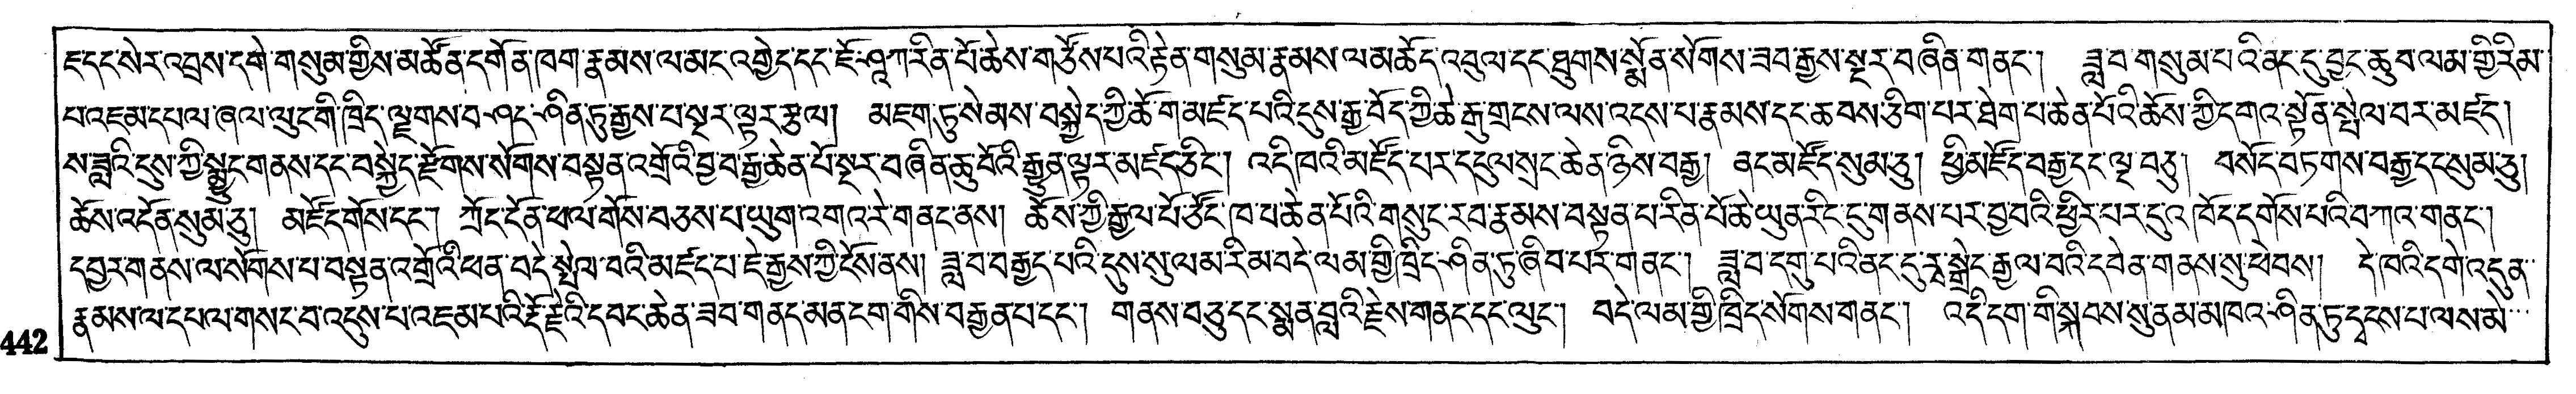ཇ་དང་སེར་འབྲས་དགེ་གསུམ་གྱིས་མཚོན་དགོན་ཁག་རྣམས་ལ་མང་འགྱེད་དང་ཇོ་ཤཱཀ་རིན་པོ་ཆེས་གཙོས་པའི་རྟེན་གསུམ་རྣམས་ལ་མཆོད་འབུལ་དང་ཐུགས་སྨོན་སོགས་ཟབ་རྒྱས་སྔར་བཞིན་གནང་། ཟླ་བ་གསུམ་པའི་ནང་དུ་བྱང་ཆུབ་ལམ་གྱི་རིམ་
པ་འཇམ་དཔལ་ཞལ་ལུང་གི་ཁྲིད་ལྗགས་བཤད་ཤིན་ཏུ་རྒྱས་པ་སྔར་ལྟར་རྩལ། མཇུག་ཏུ་སེམས་བསྐྱེད་ཀྱི་ཆོ་ག་མཛད་པའི་དུས་རྒྱ་བོད་ཀྱི་ཆེ་རྒུ་གྲངས་ལས་འདས་པ་རྣམས་དང་ཆབས་ཅིག་པར་ཐེག་པ་ཆེན་པོའི་ཆོས་ཀྱི་དགའ་སྟོན་སྤེལ་བར་མཛད།
ས་ཟླའི་དུས་ཀྱི་སྨྱུང་གནས་དང་བསྐྱེད་རྫོགས་སོགས་བསྟན་འགྲོའི་བྱ་བ་རྒྱ་ཆེན་པོ་སྔར་བཞིན་ཆུ་བོའི་རྒྱུན་ལྟར་མཛད་ཅིང་། འདི་ཁའི་མཛོད་པར་དངུལ་སྲང་ཆེན་ཉིས་བརྒྱ། ནང་མཛོད་སུམ་ཅུ། ཕྱི་མཛོད་བརྒྱ་དང་ལྡ་བཅུ། བསོད་བཏགས་བརྒྱ་དང་སུམ་ཅུ།
ཆོས་འདོན་སུམ་ཅུ། མཛོད་གོས་དང་། ཀྲོང་དོན་ཕལ་གོས་བཅས་པ་ཡུག་འགའ་རེ་གནང་ནས། ཆོས་ཀྱི་རྒྱལ་བོ་ཙོང་ཁ་པ་ཆེན་པོའི་གསུང་རབ་རྣམས་བསྟན་པ་རིན་པོ་ཆེ་ཡུན་རིང་དུ་གནས་པར་བྱ་བའི་ཕྱིར་པར་དུ་འཁོང་དགོས་པའི་བཀའ་གནང་།
དབྱར་གནས་ལ་སོགས་པ་བསྟན་འགྲོའི་ཕན་བདེ་སྤེལ་བའི་མཛད་པ་ཇེ་རྒྱས་ཀྱི་ངོས་ནས། ཟླ་བ་བརྒྱད་པའི་དུས་སུ་ལམ་རིམ་བདེ་ལམ་གྱི་ཁྲིད་ཤིན་ཏུ་ཞི་བ་པར་གནང་། ཟླ་བ་དགུ་བའི་ནང་དུ་ར་སྒྲེང་རྒྱལ་བའི་དབེན་གནས་སུ་ཕེབས། དེ་བའི་དགེ་འདུན་
རྣམས་ལ་དཔལ་གསང་བ་འདུས་པ་འཇམ་བའི་རྡོ་རྗེའི་དབང་ཆེན་ཟབ་གནད་མན་ངག་གིས་བརྒྱན་པ་དང་། གནས་བཅུ་དང་སྨན་བླའི་རྗེས་གནང་དང་ལུང་། བདེ་ལམ་གྱི་ཁྲིད་སོགས་གནང་། འདི་དག་གི་སྐབས་སུ་ནམ་མཁའི་ཤིན་ཏུ་དྭངས་པ་ལས་མེ་